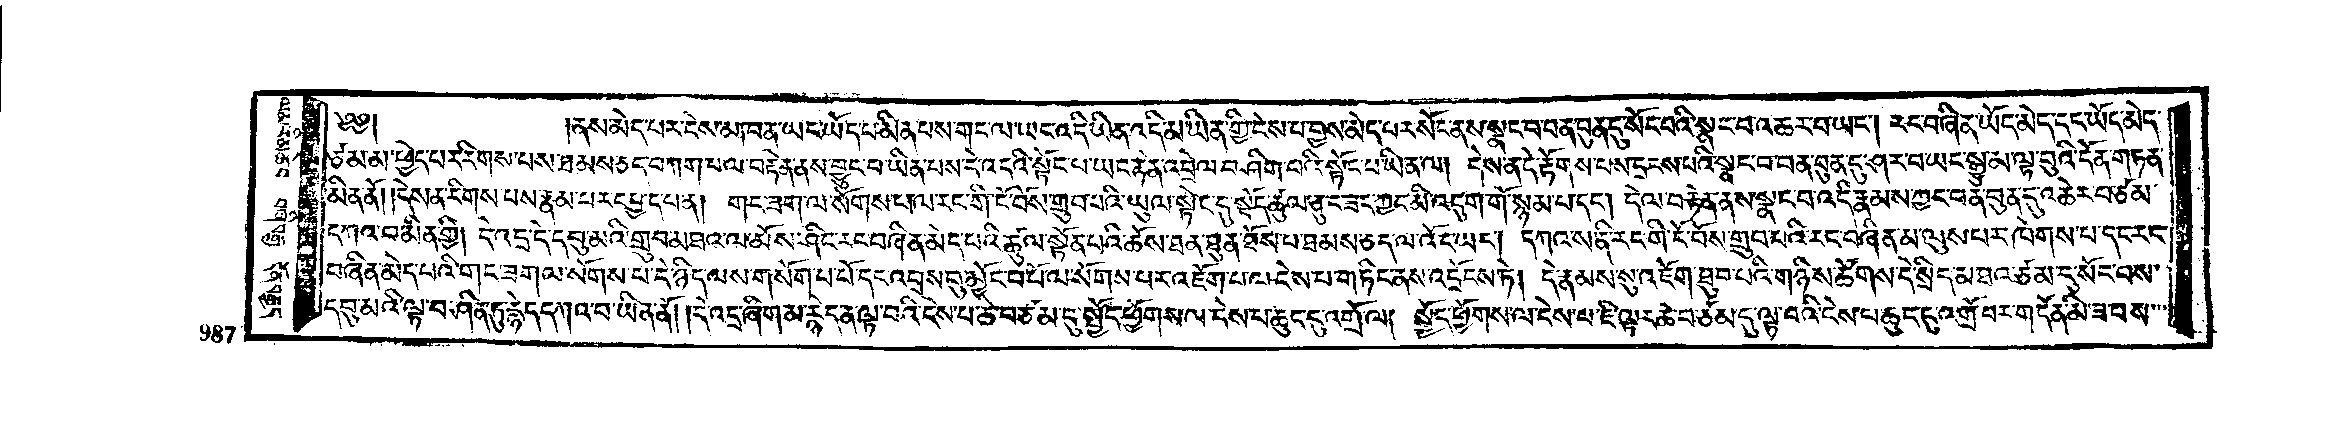༄༅། །ནས་མེད་པར་ངེས་མཁན་ཡང་ཡོད་པ་མིན་པས་གང་ལ་ཡང་འདི་ཡིན་འདི་མ་ཡིན་གྱི་ངེས་པ་བྱས་མེད་པར་སོང་ནས་སྣང་བ་བན་བུན་དུ་སོང་བའི་སྣང་བ་འཆར་བ་ཡང་། རང་བཞིན་ཡོད་མེད་དང་ཡོད་མེད་
ཙམ་མ་ཕྱེད་པར་རིགས་པས་ཐམས་ཅད་བཀག་པ་ལ་བརྟེན་ནས་བྱུང་བ་ཡིན་པས་དེ་འདྲའི་སྟོང་པ་ཡང་རྟེན་འབྲེལ་བཤིག་པའི་སྟོང་པ་ཡིན་ལ། དེས་ན་དེ་རྟོགས་པས་དྲངས་པའི་སྣང་བ་བན་བུན་དུ་ཤར་བ་ཡང་སྒྱུ་མ་ལྟ་བུའི་དོན་གཏན་
མིན་ནོ། །དེས་ན་རིགས་པས་རྣམ་པར་དཔྱད་པ་ན། གང་ཟག་ལ་སོགས་པ་ལ་རང་གི་ངོ་བོས་གྲུབ་པའི་ཡུལ་སྟེང་དུ་སྡོད་ཚུལ་ཅུང་ཟད་ཀྱང་མི་འདུག་གོ་སྙམ་པ་དང་། དེ་ལ་བརྟེན་ནས་སྣང་བ་འདི་རྣམས་ཀྱང་བན་བུན་དུ་འཆར་བ་ཙམ་
དཀའ་བ་མིན་གྱི། དེ་འདྲ་དེ་དབུ་མའི་གྲུབ་མཐའ་ལ་མོས་ཤིང་རང་བཞིན་མེད་པའི་ཚུལ་སྟོན་པའི་ཆོས་ཐན་ཐུན་ཐོས་པ་ཐམས་ཅད་ལ་འོང་ཡང་། དཀའ་ས་ནི་རང་གི་ངོ་བོས་གྲུབ་པའི་རང་བཞིན་མ་ལུས་པར་ཁེགས་པ་དང་རང་
བཞིན་མེད་པའི་གང་ཟག་ལ་སོགས་པ་དེ་ཉིད་ལས་གསོག་པ་པོ་དང་འབྲས་བུ་མྱོང་བ་པོ་ལ་སོགས་པར་འཇོག་པ་ལ་ངེས་པ་གཏིང་ནས་འདྲོངས་ཏེ། དེ་རྣམས་སུ་འཇོག་ཐུབ་པའི་གཉིས་ཚོགས་དེ་སྲིད་མཐའ་ཙམ་དུ་སོང་བས་
དབུ་མའི་ལྟ་བ་ཤིན་ཏུ་རྙེད་དཀའ་བ་ཡིན་ནོ། །དེ་འདྲ་ཞིག་མ་རྙེད་ན་ལྟ་བའི་ངེས་པ་ཆེ་བ་ཙམ་དུ་སྤྱོད་ཕྱོགས་ལ་ངེས་པ་ཆུང་དུ་འགྲོ་ལ། སྤྱོད་ཕྱོགས་ལ་ངེས་པ་ཇི་ལྟར་ཆེ་བ་ཙམ་དུ་ལྟ་བའི་ངེས་པ་ཆུང་དུ་འགྲོ་བར་གདོན་མི་ཟ་བས་